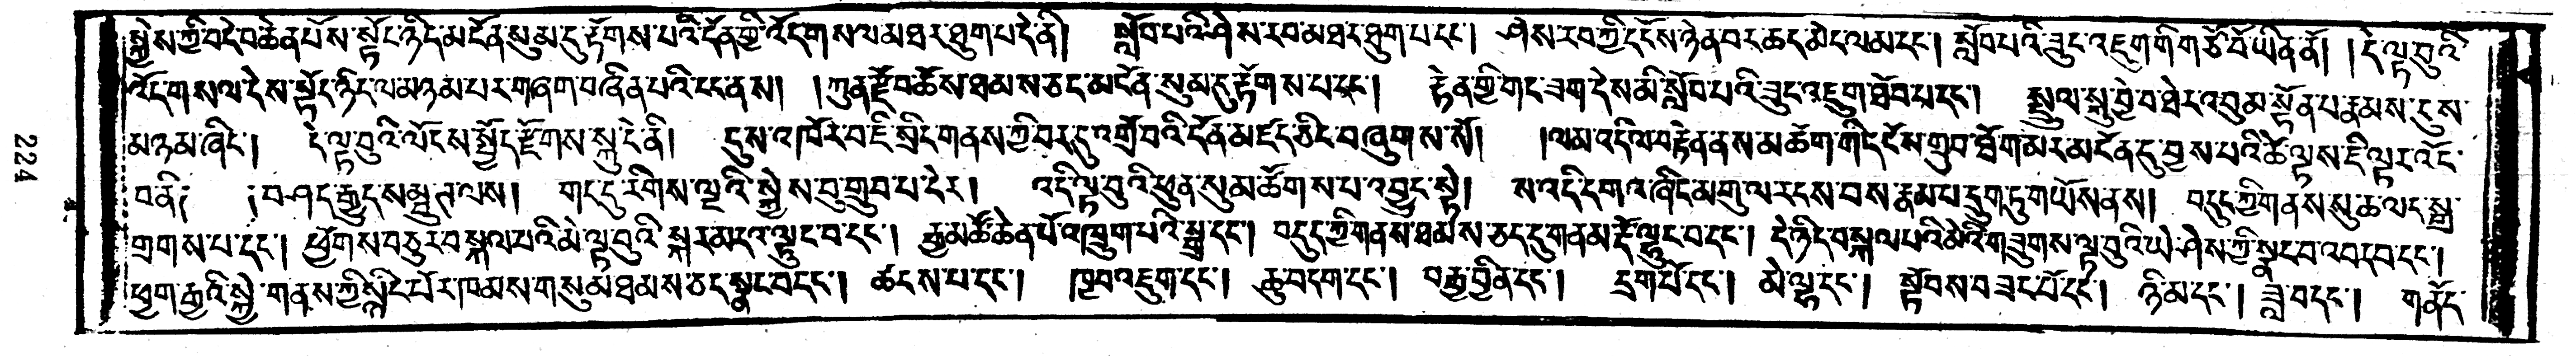སྐྱེས་ཀྱི་བདེ་བ་ཆེན་པོས་སྟོང་ཉིད་མངོན་སུམ་དུ་རྟོགས་པའི་དོན་གྱི་འོད་གསལ་མཐར་ཐུག་པ་དེ་ནི། སློབ་པའི་ཤེས་རབ་མཐར་ཐུག་པ་དང་། ཤེས་རབ་ཀྱི་དངོས་ཉེན་བར་ཆད་མེད་ལམ་དང་། སློབ་པའི་ཟུང་འཇུག་གི་གཙོ་བོ་ཡིན་ནོ། །དེ་ལྟ་བུའི་
འོད་གསལ་དེས་སྟོད་ཉིད་ལ་མཉམ་པར་གཞག་བཞིན་པའི་ངང་ནས། །ཀུན་རྫོབ་ཆོས་ཐམས་ཅད་མངོན་སུམ་དུ་རྟོགས་པ་དང་། རྟེན་གྱི་གང་ཟག་དེས་མི་སློབ་པའི་ཟུང་འཇུག་ཐོབ་པ་དང་། སྤྲུལ་སྐུ་བྱེ་བ་ཐེར་འབུམ་སྟོན་པ་རྣམས་དུས་
མཉམ་ཞིང་། དེ་ལྟ་བུའི་ལོངས་སྤྱོད་རྫོགས་སྐུ་ངེ་ནི། དུས་འཁོར་བ་ཇི་སྲིད་གནས་ཀྱི་བར་དུ་འགྲོ་བའི་དོན་མཛད་ཅིང་བཞུགས་སོ། །ལམ་འདི་ལ་བརྟེན་ནས་མཆོག་གི་དངོས་གྲུབ་ཐོག་མར་མངོན་དུ་བྱས་པའི་ཚེ་ལྟས་ཇི་ལྟར་འོད་
བ་ནི༑ ༑བཤད་རྒྱུད་སམྦུ་ཊ་ལས། གང་དུ་རིགས་ལྔའི་སྐྱེས་བུ་གྲུབ་པ་དེར། འདི་ལྟ་བུའི་ཕུན་སུམ་ཚོགས་པ་འབྱུང་སྟེ། ས་འདི་དགའ་ཞིང་མགུ་ལ་རངས་བས་རྣམ་པ་དྲུག་ཏུ་གཡོས་ནས། བདུད་ཀྱི་གནས་སུ་ཆ་ལང་སྒྲ་
གྲགས་པ་དང་། ཕྱོགས་བཅུར་བསྐལ་པའི་མེ་ལྟ་བུའི་སྐར་མདའ་ལྟུང་བ་དང་། རྒྱ་མཚོ་ཆེན་པོ་འཁྲུག་པའི་སྒྲ་དང་། བདུད་ཀྱི་གནས་ཐམས་ཅད་དུ་གནམ་རྡོ་ལྷུང་བ་དང་། དེ་ཉིད་བསྐལ་པའི་མེའི་གཟུགས་ལྟ་བུའི་ཡེ་ཤེས་ཀྱི་སྣང་བ་འབད་བ་དང་།
ཕྱག་རྒྱའི་སྐྱེ་གནས་ཀྱི་སྙིང་པོར་ཁམས་གསུམ་ཐམས་ཅད་སྣང་བ་དང་། ཚངས་པ་དང་། ཁྱབ་འཇུག་དང་། ཆུ་བདག་དང་། བརྒྱ་བྱིན་དང་། དྲག་པོ་དང་། མེ་ལྷ་དང་། སྟོབས་བཟང་པོ་དང་། ཉི་མ་དང་། ཟླ་བ་དང་། གནོད་